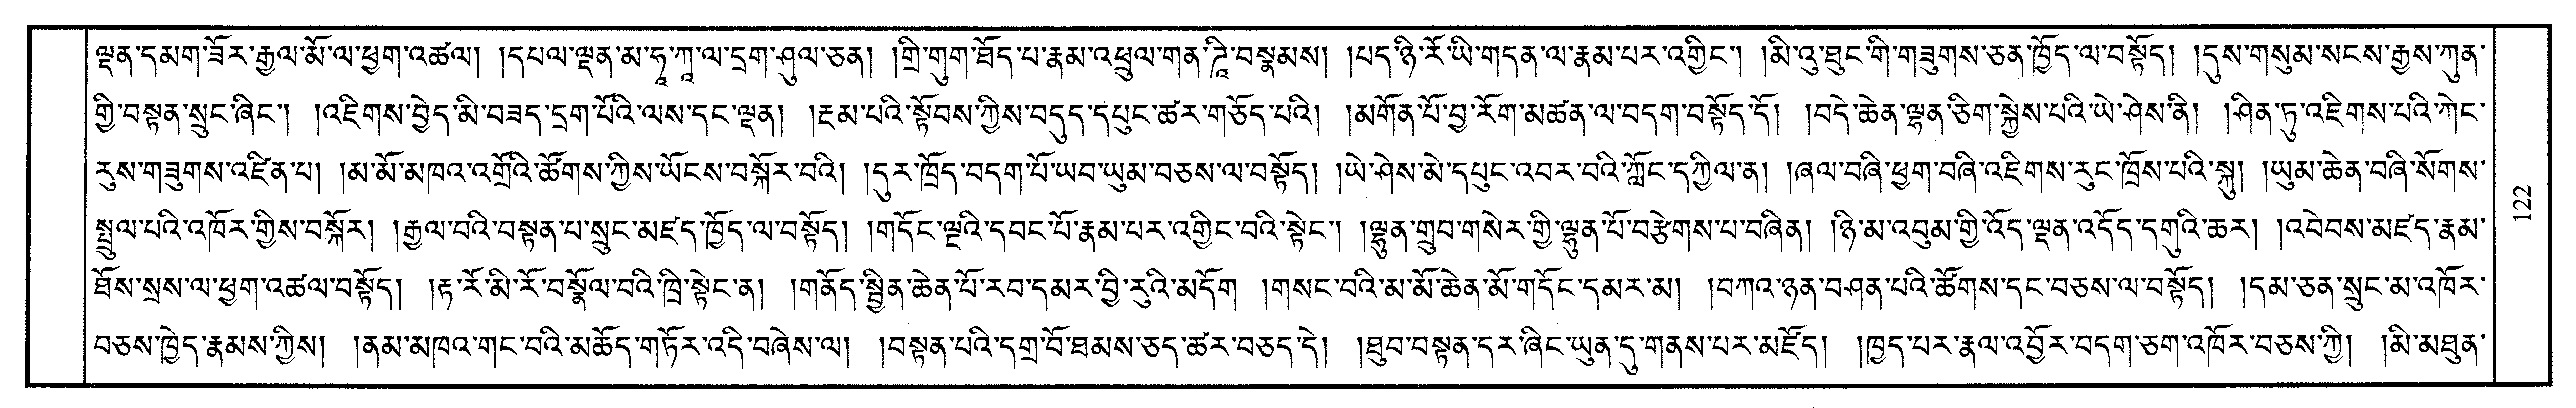ལྡན་དམག་ཟོར་རྒྱལ་མོ་ལ་ཕྱག་འཚལ། །དཔལ་ལྡན་མ་ཧཱ་ཀཱ་ལ་དྲག་ཤུལ་ཅན། །གྲི་གུག་ཐོད་པ་རྣམ་འཕྲུལ་གན་ཌཱི་བསྣམས། །པད་ཉི་རོ་ཡི་གདན་ལ་རྣམ་པར་འགྱིང་། །མི་འུ་ཐུང་གི་གཟུགས་ཅན་ཁྱོད་ལ་བསྟོད། །དུས་གསུམ་སངས་རྒྱས་ཀུན་
གྱི་བསྟན་སྲུང་ཞིང་། །འཇིགས་བྱེད་མི་བཟད་དྲག་པོའི་ལས་དང་ལྡན། །རྔམ་པའི་སྟོབས་ཀྱིས་བདུད་དཔུང་ཚར་གཅོད་པའི། །མགོན་པོ་བྱ་རོག་མཚན་ལ་བདག་བསྟོད་དོ། །བདེ་ཆེན་ལྷན་ཅིག་སྐྱེས་པའི་ཡེ་ཤེས་ནི། །ཤིན་ཏུ་འཇིགས་པའི་ཀེང་
རུས་གཟུགས་འཛིན་པ། །མ་མོ་མཁའ་འགྲོའི་ཚོགས་ཀྱིས་ཡོངས་བསྐོར་བའི། །དུར་ཁྲོད་བདག་པོ་ཡབ་ཡུམ་བཅས་ལ་བསྟོད། །ཡེ་ཤེས་མེ་དཔུང་འབར་བའི་ཀློང་དཀྱིལ་ན། །ཞལ་བཞི་ཕྱག་བཞི་འཇིགས་རུང་ཁྲོས་པའི་སྐུ། །ཡུམ་ཆེན་བཞི་སོགས་
སྤྲུལ་པའི་འཁོར་གྱིས་བསྐོར། །རྒྱལ་བའི་བསྟན་པ་སྲུང་མཛད་ཁྱོད་ལ་བསྟོད། །གདོང་ལྔའི་དབང་པོ་རྣམ་པར་འགྱིང་བའི་སྟེང་། །ལྷུན་གྲུབ་གསེར་གྱི་ལྷུན་པོ་བརྩེགས་པ་བཞིན། །ཉི་མ་འབུམ་གྱི་འོད་ལྡན་འདོད་དགུའི་ཆར། །འབེབས་མཛད་རྣམ་
ཐོས་སྲས་ལ་ཕྱག་འཚལ་བསྟོད། །རྟ་རོ་མི་རོ་བསྣོལ་བའི་ཁྲི་སྟེང་ན། །གནོད་སྦྱིན་ཆེན་པོ་རབ་དམར་བྱི་རུའི་མདོག །གསང་བའི་མ་མོ་ཆེན་མོ་གདོང་དམར་མ། །བཀའ་ཉན་བཤན་པའི་ཚོགས་དང་བཅས་ལ་བསྟོད། །དམ་ཅན་སྲུང་མ་འཁོར་
བཅས་ཁྱེད་རྣམས་ཀྱིས། །ནམ་མཁའ་གང་བའི་མཆོད་གཏོར་འདི་བཞེས་ལ། །བསྟན་པའི་དགྲ་བོ་ཐམས་ཅད་ཚར་བཅད་དེ། །ཐུབ་བསྟན་དར་ཞིང་ཡུན་དུ་གནས་པར་མཛོད། །ཁྱད་པར་རྣལ་འབྱོར་བདག་ཅག་འཁོར་བཅས་ཀྱི། །མི་མཐུན་